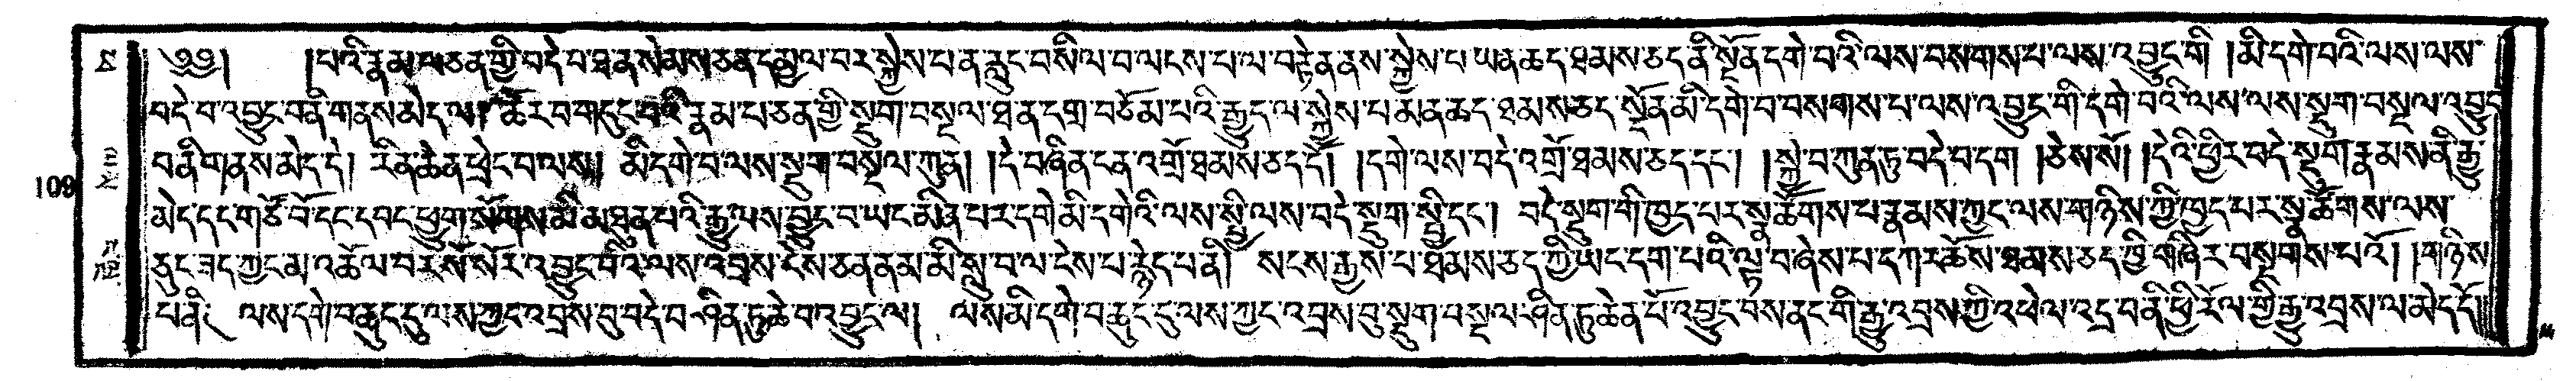༄༅། །པའི་རྣམ་པ་ཅན་གྱི་བདེ་བ་ཐ་ན་སེམས་ཅན་དམྱལ་བར་སྐྱེས་པ་ན་རླུང་བསིལ་བ་ལངས་པ་ལ་བརྟེན་ནས་སྐྱེས་པ་ཡན་ཆད་ཐམས་ཅད་ནི་སྔོན་དགེ་བའི་ལས་བསགས་པ་ལས་འབྱུང་གི །མི་དགེ་བའི་ལས་ལས་
བདེ་བ་འབྱུང་བ་ནི་གནས་མེད་ལ། ཚོར་བ་གདུང་བའི་རྣམ་པ་ཅན་གྱི་སྡུག་བསྔལ་ཐ་ན་དགྲ་བཅོམ་པའི་རྒྱུད་ལ་སྐྱེས་པ་མན་ཆད་ཐམས་ཅད་སྡོན་མི་དགེ་བ་བསགས་པ་ལས་འབྱུང་གི་དགེ་བའི་ལས་ལས་སྡུག་བསྔལ་འབྱུང་
བ་ནི་གནས་མེད་དེ། རིན་ཆེན་ཕྲེང་བ་ལས། མི་དགེ་བ་ལས་སྡུག་བསྔལ་ཀུན། །དེ་བཞིན་ངན་འགྲོ་ཐམས་ཅད་དོ། །དགེ་ལས་བདེ་འགྲོ་ཐམས་ཅད་དང་། །སྐྱེ་བ་ཀུན་ཏུ་བདེ་བ་དག །ཅེས་སོ། །དེའི་ཕྱིར་བདེ་སྡུག་རྣམས་ནི་རྒྱུ་
མེད་དང་གཙོ་བོ་དང་དབང་ཕྱུག་སོགས་མི་མཐུན་པའི་རྒྱུ་ལས་བྱུང་བ་ཡང་མིན་པར་དགེ་མི་དགེའི་ལས་སྤྱི་ལས་བདེ་སྡུག་སྤྱི་དང་། བདེ་སྡུག་གི་ཁྱད་པར་སྣ་ཚོགས་པ་རྣམས་ཀྱང་ལས་གཉིས་ཀྱི་ཁྱད་པར་སྣ་ཚོགས་ལས་
ཅུང་ཟད་ཀྱང་མ་འཆོལ་བར་སོ་སོར་འབྱུང་བའི་ལས་འབྲས་ངེས་ཅན་ནམ་མི་སླུ་བ་ལ་ངེས་པ་རྙེད་པ་ནི། སངས་རྒྱས་པ་ཐམས་ཅད་ཀྱི་ཡང་དག་པའི་ལྟ་བཞེས་པ་དཀར་ཆོས་ཐམས་ཅད་ཁྱི་གཞིར་བསྔགས་པའོ། །གཉིས་
པ་ནི༑ ལས་དགེ་བ་ཆུང་དུ་ལས་ཀྱང་འབྲས་བུ་བདེ་བཤིན་ཏུ་ཆེ་བ་འབྱུང་ལ། ལས་མི་དགེ་བ་ཆུང་དུ་ལས་ཀྱང་འབྲས་བུ་སྡུག་བསྔལ་ཤིན་ཏུ་ཆེན་པོ་འབྱུང་བས་ནང་གི་རྒྱུ་འབྲས་ཀྱི་འཕེལ་འདྲ་བ་ནི་ཕྱི་རོལ་གྱི་རྒྱུ་འབྲས་ལ་མེད་དོ།།